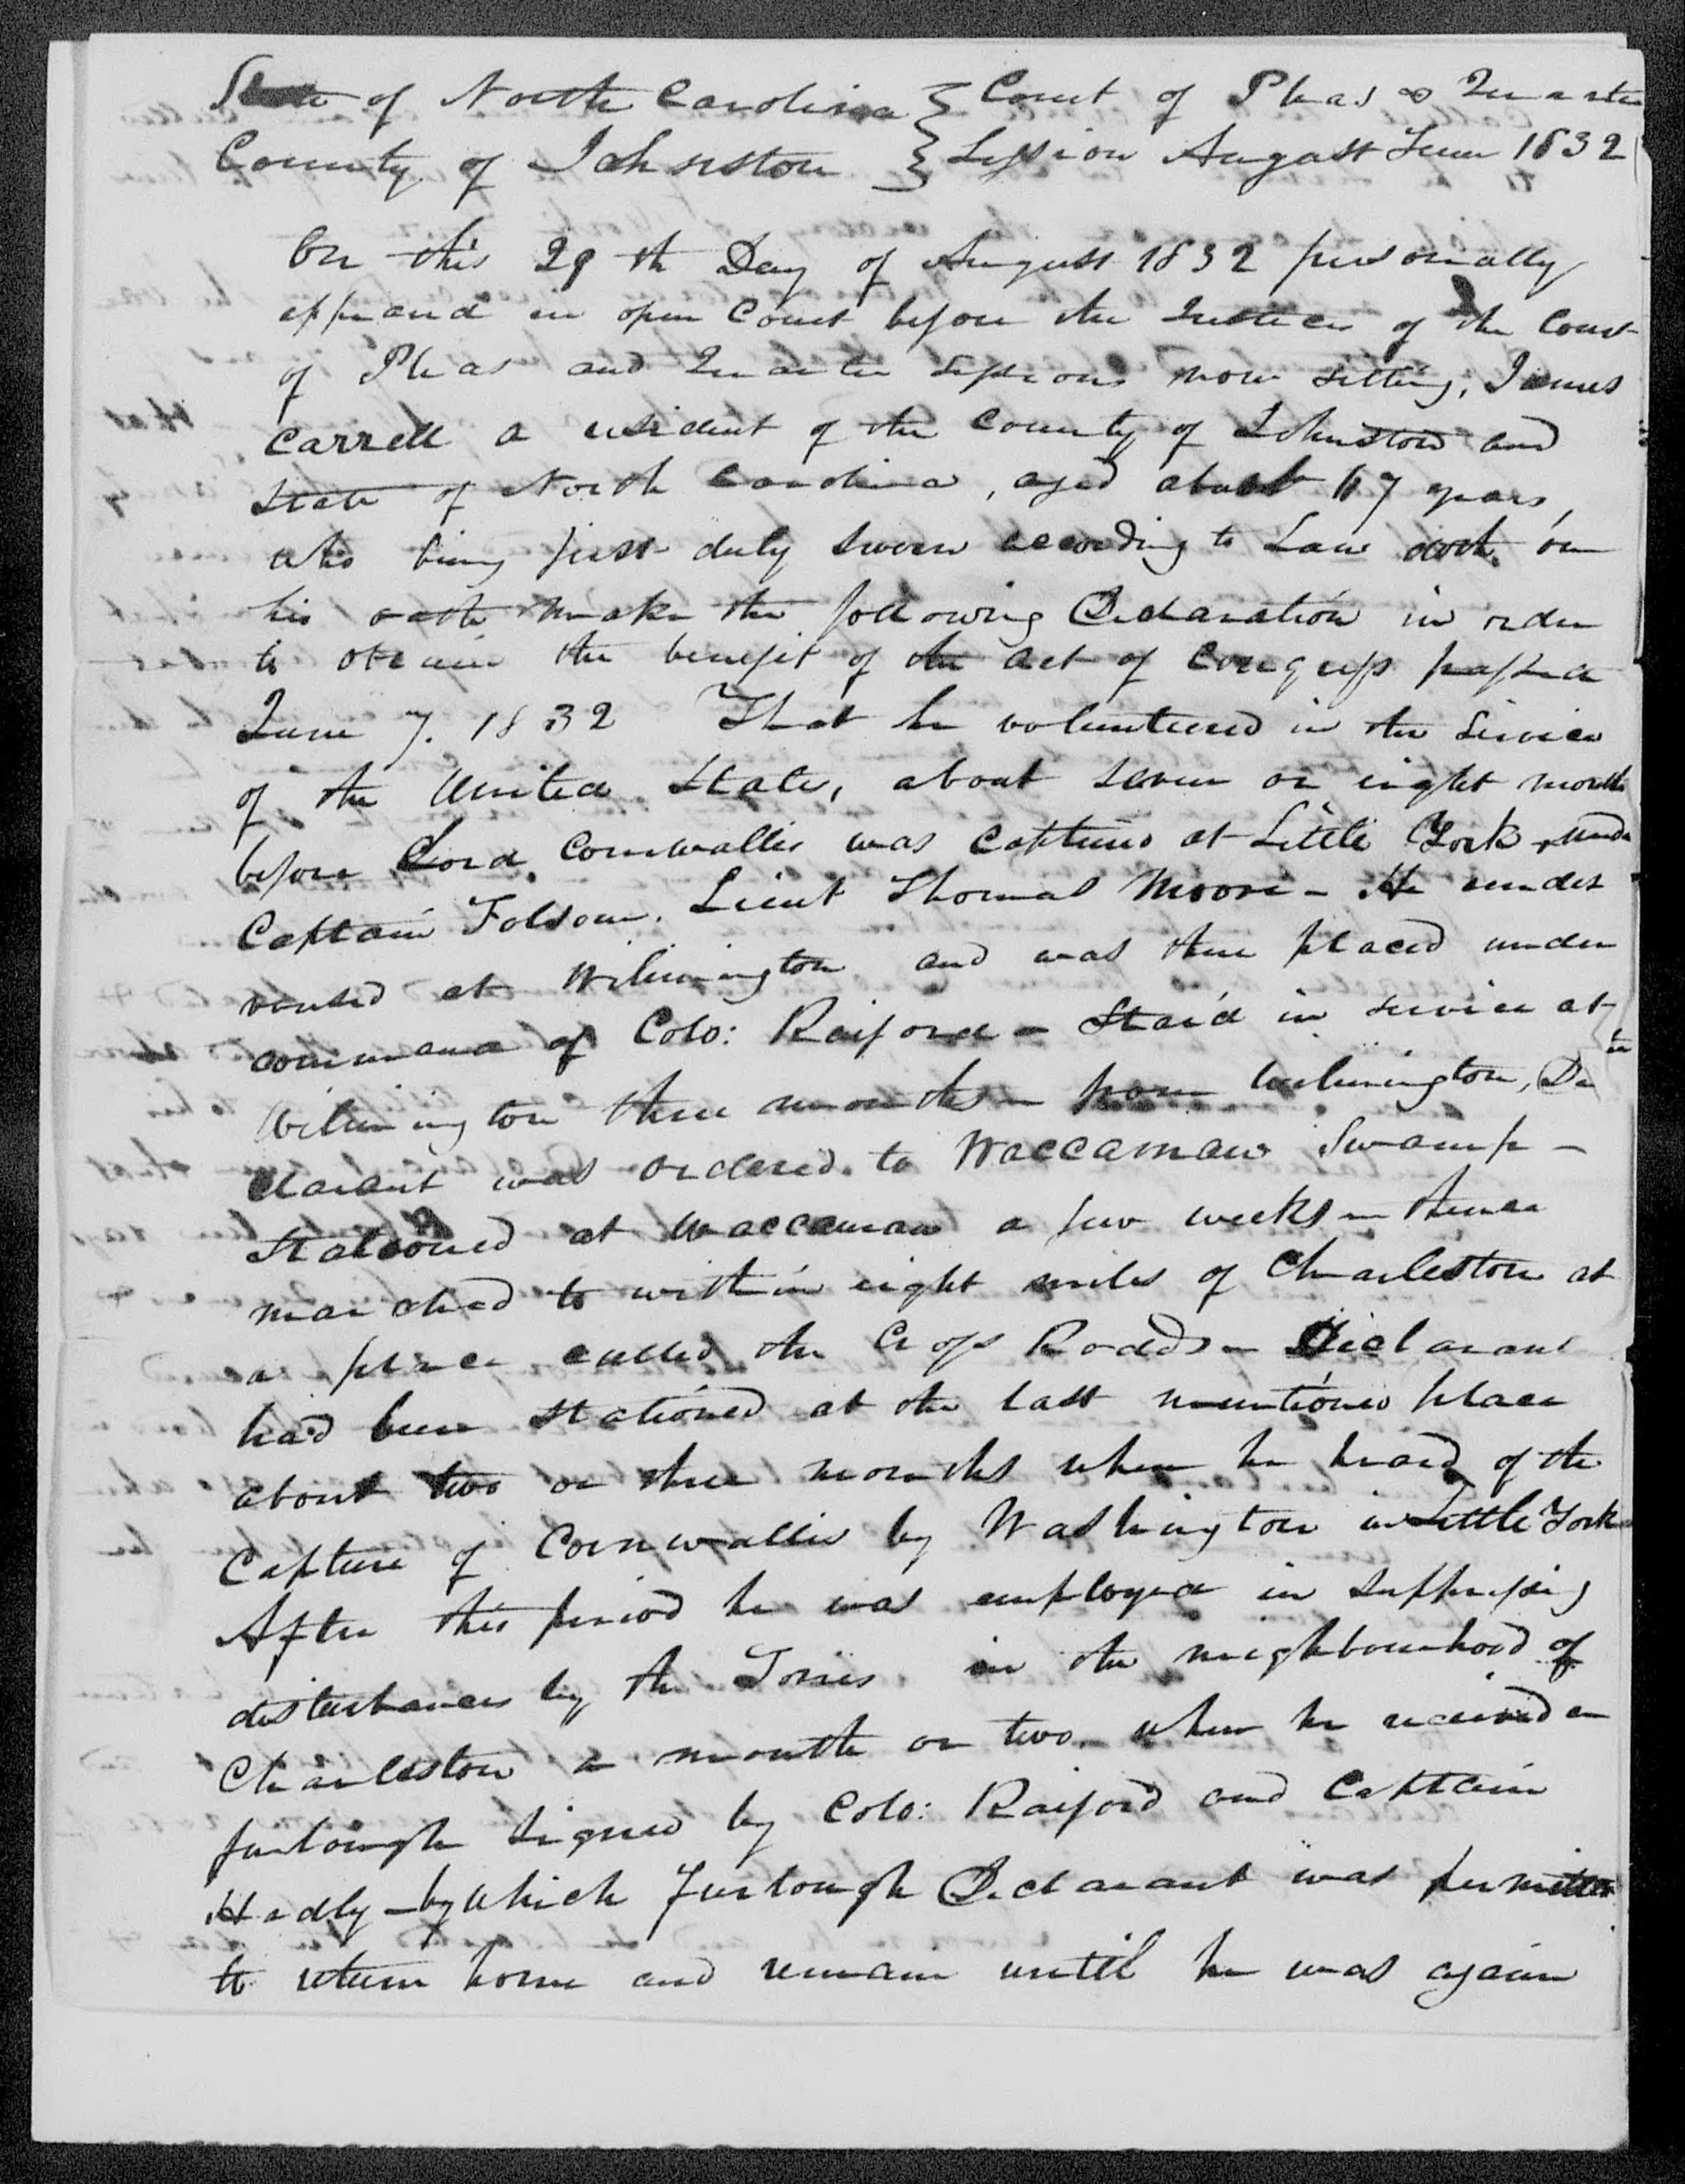State of North Carolina
County of Johnston }  Court of Pleas and Quarter Sessions August Term 1832

On this 29th day of August 1832 personally appeared in open court before the Justices of the court of Pleas and quarter sessions now sitting, James Carrell a resident of the county of Johnston and state of North Carolina, aged about 69 years, who being first duly sworn according to law doth on his oath make the following declaration in order to obtain the benefit of An Act of Congress passed June 7, 1832. That he volunteered in the service of the United States, about seven or eight months before Lord Cornwallis was captured at Little York and under Captain Folsom Lieut Thomas Moore- He [illegible] [illegible] at Wilmington and was then placed under command of Col. Raiford- staid [stayed] in service at Wilmington three months from Wilmington, declarant was ordered to Maccanaw Savanna- stationed at Maccanaw  a few weeks- [illegible] marched to within eight miles of Charleston at a place called the Cross Roads - declarant had been stationed at the last mentioned place about two or three months when he heard of the capture of Cornwallis by Wadlington in Little York. After this period he was employed in [illegible] disturbances by the Tories in the neighborhood of Charleston a month or two when he received a furlough signed by Colo: Raiford and Captain Hadly- by which furlough declarant was permitted to return home and remain until he was again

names: James Carrell, Hadly, Thomas Moore, Folsom, Raiford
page: 3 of 86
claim: widow's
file: W. 6899, James Carrell, N.C.